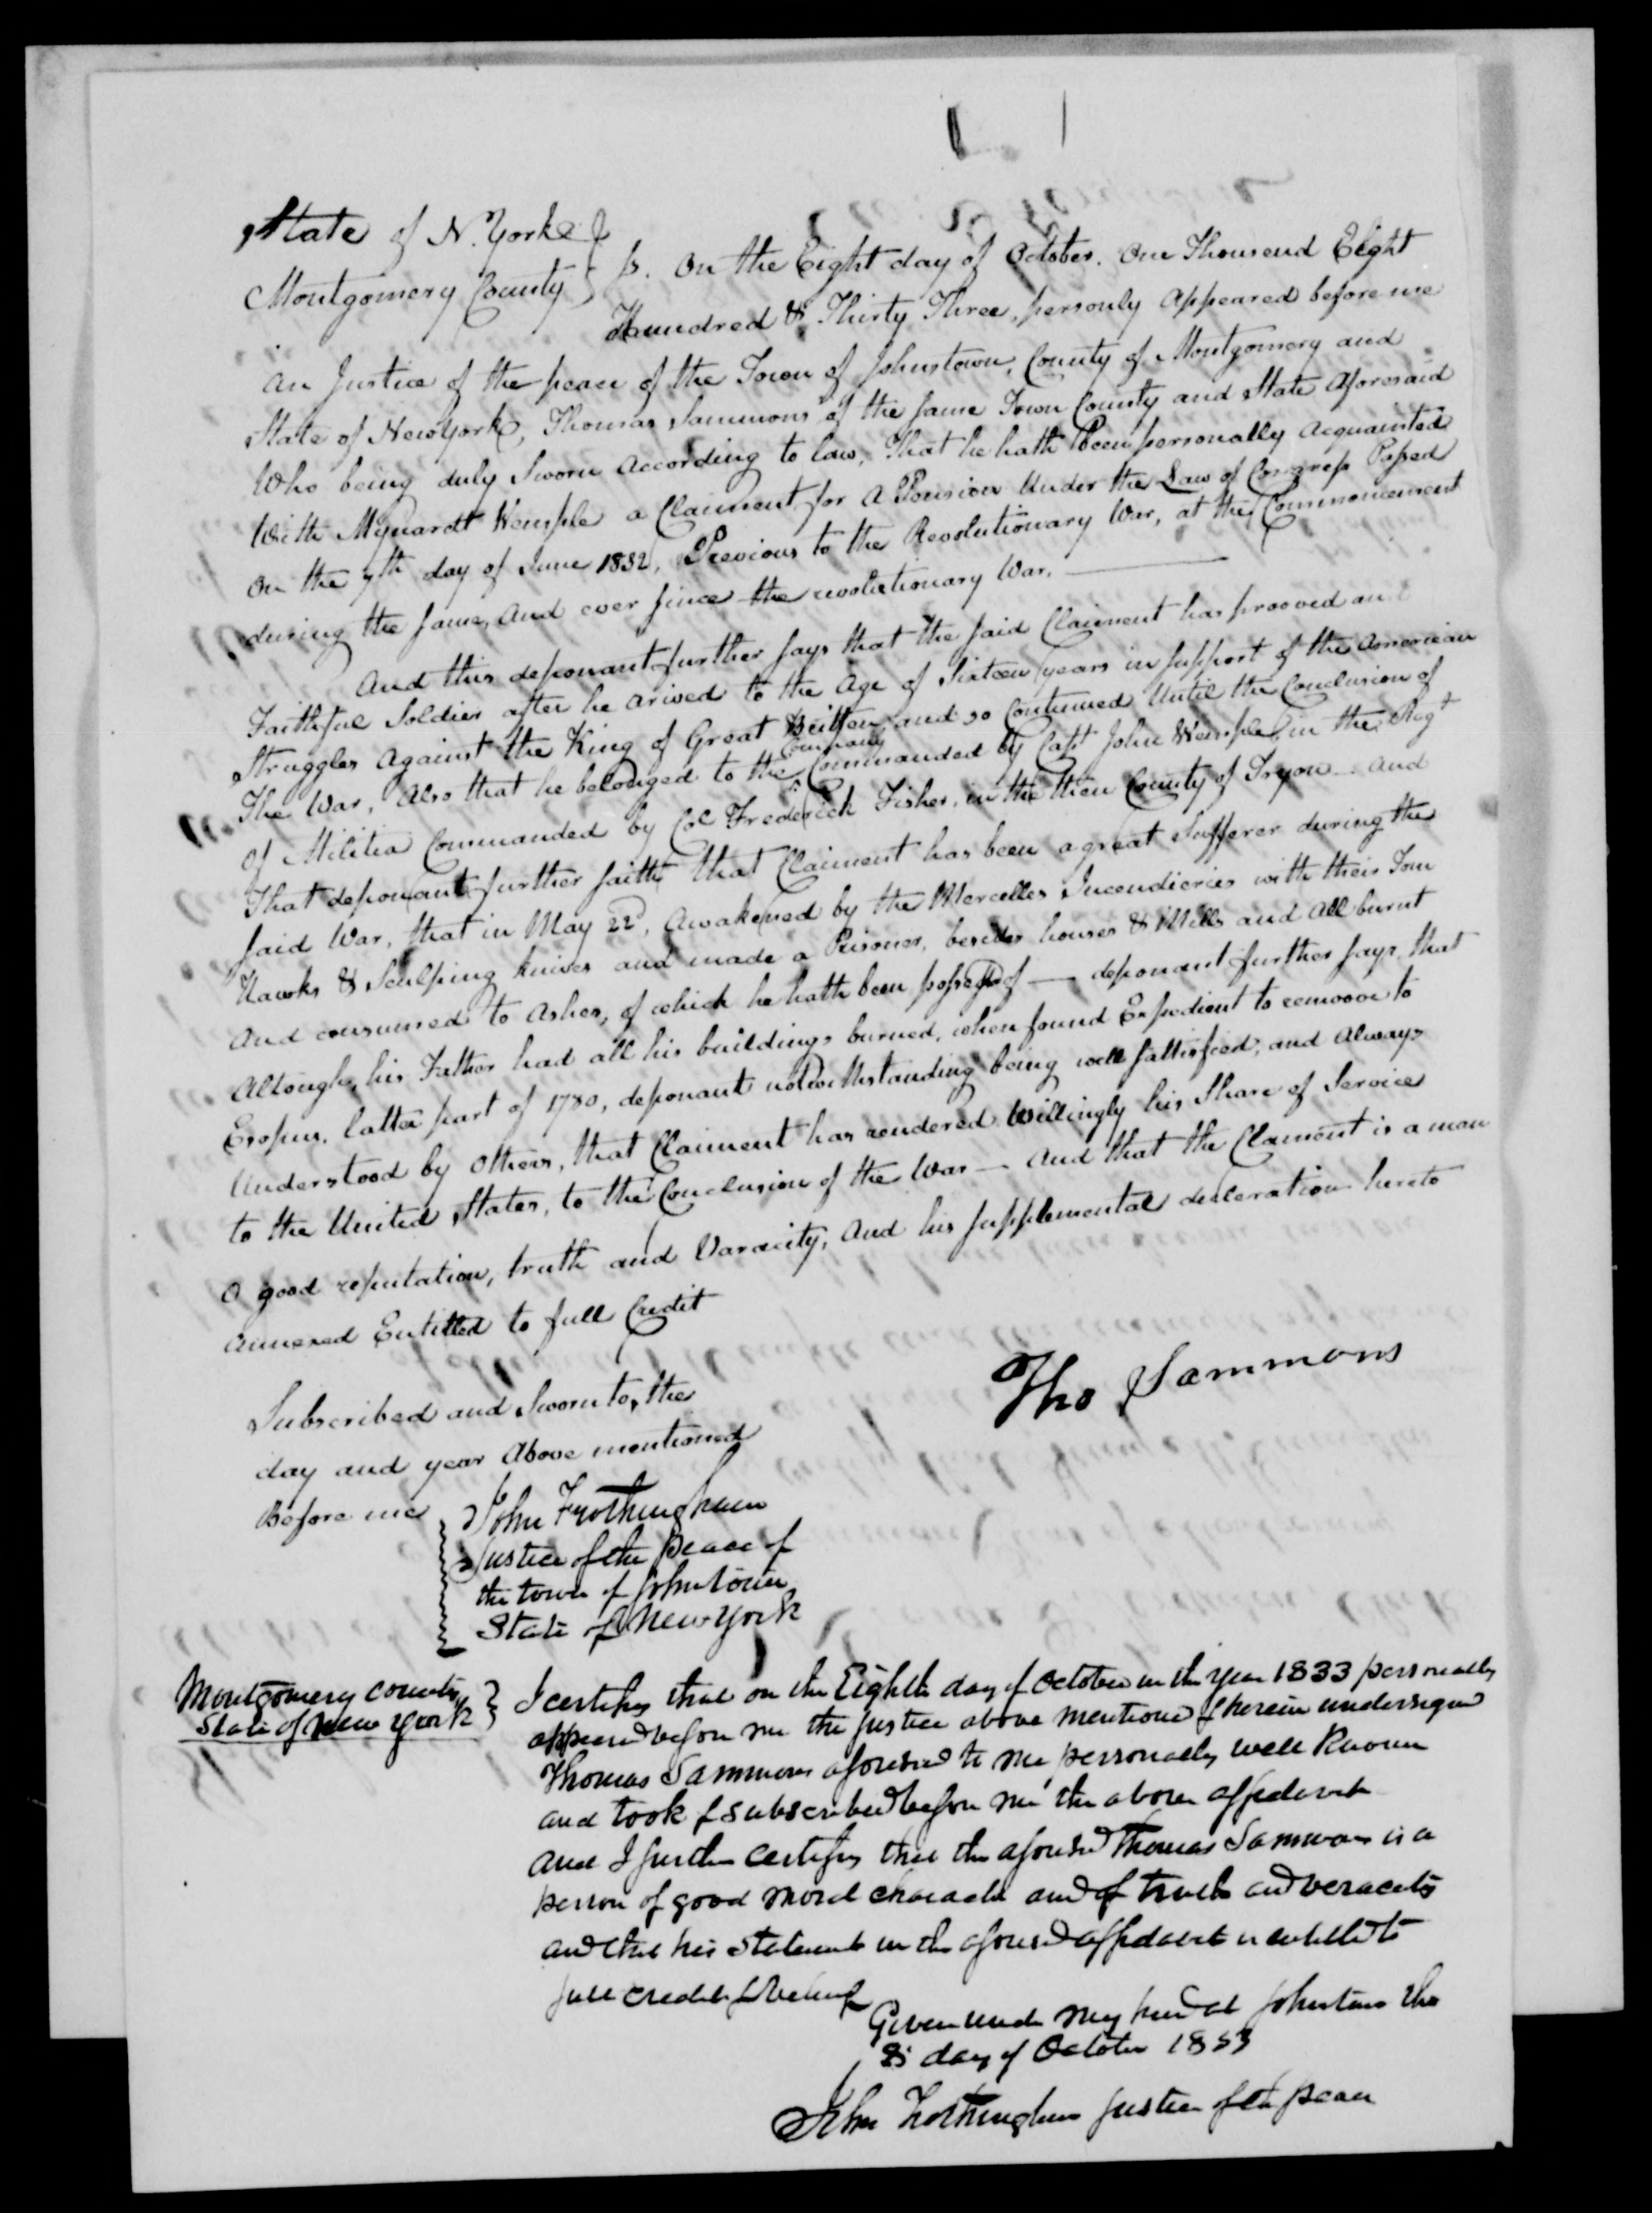State of New York}
Montgomery County}  ss.
On the Eight day of October One Thousand Eight
Hundred & Thirty Three, personly(personally) appeared before me
an Justice of the peace of the Town of Johnstown, County of Montgomery and
State of New York, Thomas Sammons of the same Town County and State aforesaid
who being duly sworn according to law. That he hath been personally acquainted with
Mynardt(Myndert) Wemple a Claiment(claimant) for a Pension under the Law of Congress Passed
on the 7th day of June 1832. Previous to the Revolutionary 
War, at the Commencement
during the same, and ever since the revolutionary War.---
And this deponant(deponent) further says that the said Claiment(claimant) has proved and
Faithful Soldier, after he arived(arrived) to the age of sixteen years in support of the american struggles 
against the King of Great Britain and (so?) continued until the Conclusion of The War. Also that he belonged to the Company Commanded by Capt John Wemple in the Regt.
of Militia Commanded by Col Frederick Fisher in the there County of Tryon--and
That deponant(deponent) further faith that Claiment(claimant) has been a great sufferer during the
said War, that in May 22d, awakened by the Mercelles Incendiaries with their TomHawks
& Sculping knives and made a Prisoner, [illegible] houses & Mills and all burnt and consumed to ashes, of which he hath been possession of-- deponent further says that 
although his Father had all his buildings burned, when found
[illegible] to ]illegible] to [illegible], 
latter part of 1780, deponent not with standing being well satisfied, and always
understood by others, that Claiment(claimant) has rendered willingly his share of service
to the United States, to the conclusion of the war--
and that the Claiment is a man O(of?) good reputation, truth and
Varacity(veracity), and his supplemental declaration hereto
annexed Entitled to full credit
Tho Sammons

Subscribed and Sworn to the
day and year above mentioned
Before me
{John Frothingham
{Justice of the peace of
{the town of Johnstown
{State of New York

Montgomery County}
State of New York}
I certify that on the Eighth day of October in the year 1833 personally
appeared before me the justice above mentioned & herein undersigned
Thomas Sammons aforesaid to me personally well known
and took & subscribed before me the above affidavit
and I further certify that the aforesd(aforesaid) Thomas Sammons is a
person of good morel character and of truth and veracity
and that his statement in the aforesd(aforesaid) affidavit is entitle to full credit & [illegible]

Given and my hand at Johnstown(?) the
8' day of October 1833
John Frothingham Justice of Peace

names: Mynardt Wemple, Tho Sammons, Frederick Fisher, John Wemple, John Frothingham, Thomas Sammons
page: 11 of 51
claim: widow's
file: W. 19604, Myndert B Wemple, New York